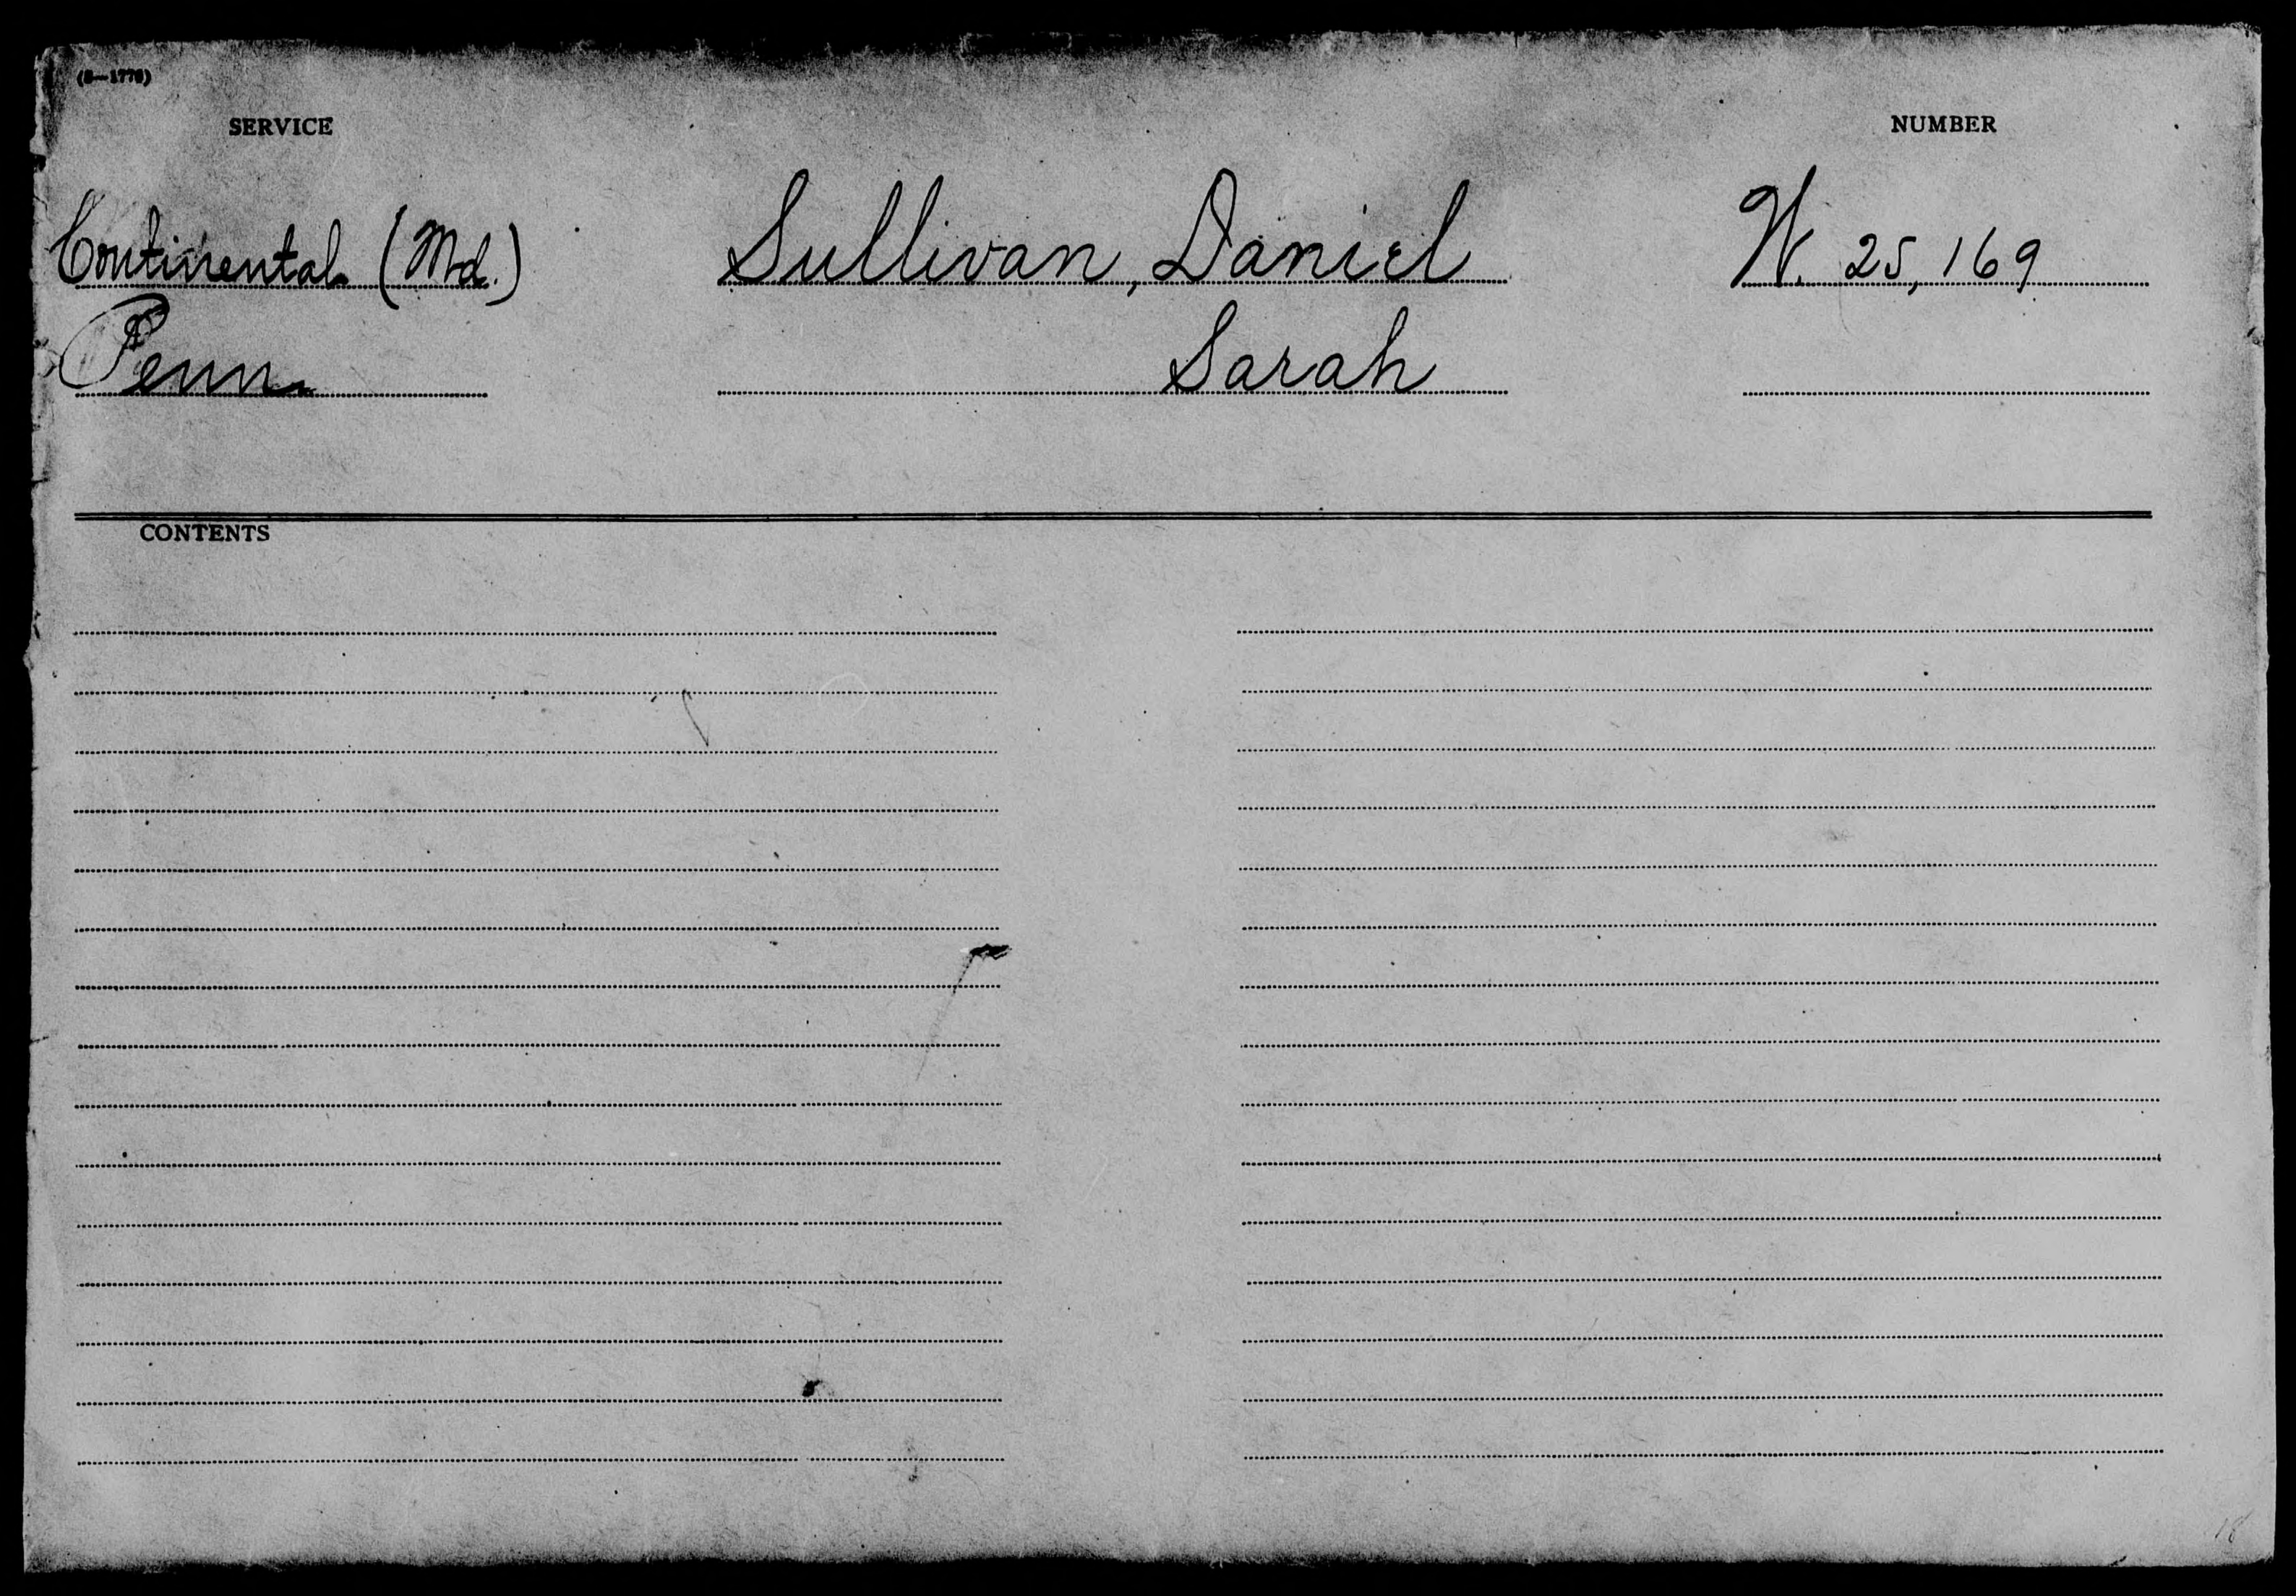(3-1776)

SERVICE
Continental (MD
Penn

Sullivan, Daniel
Sarah

NUMBER
W.25169

CONTENTS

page: 1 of 78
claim: widow's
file: W. 25,169, for Daniel Sullivan, Maryland